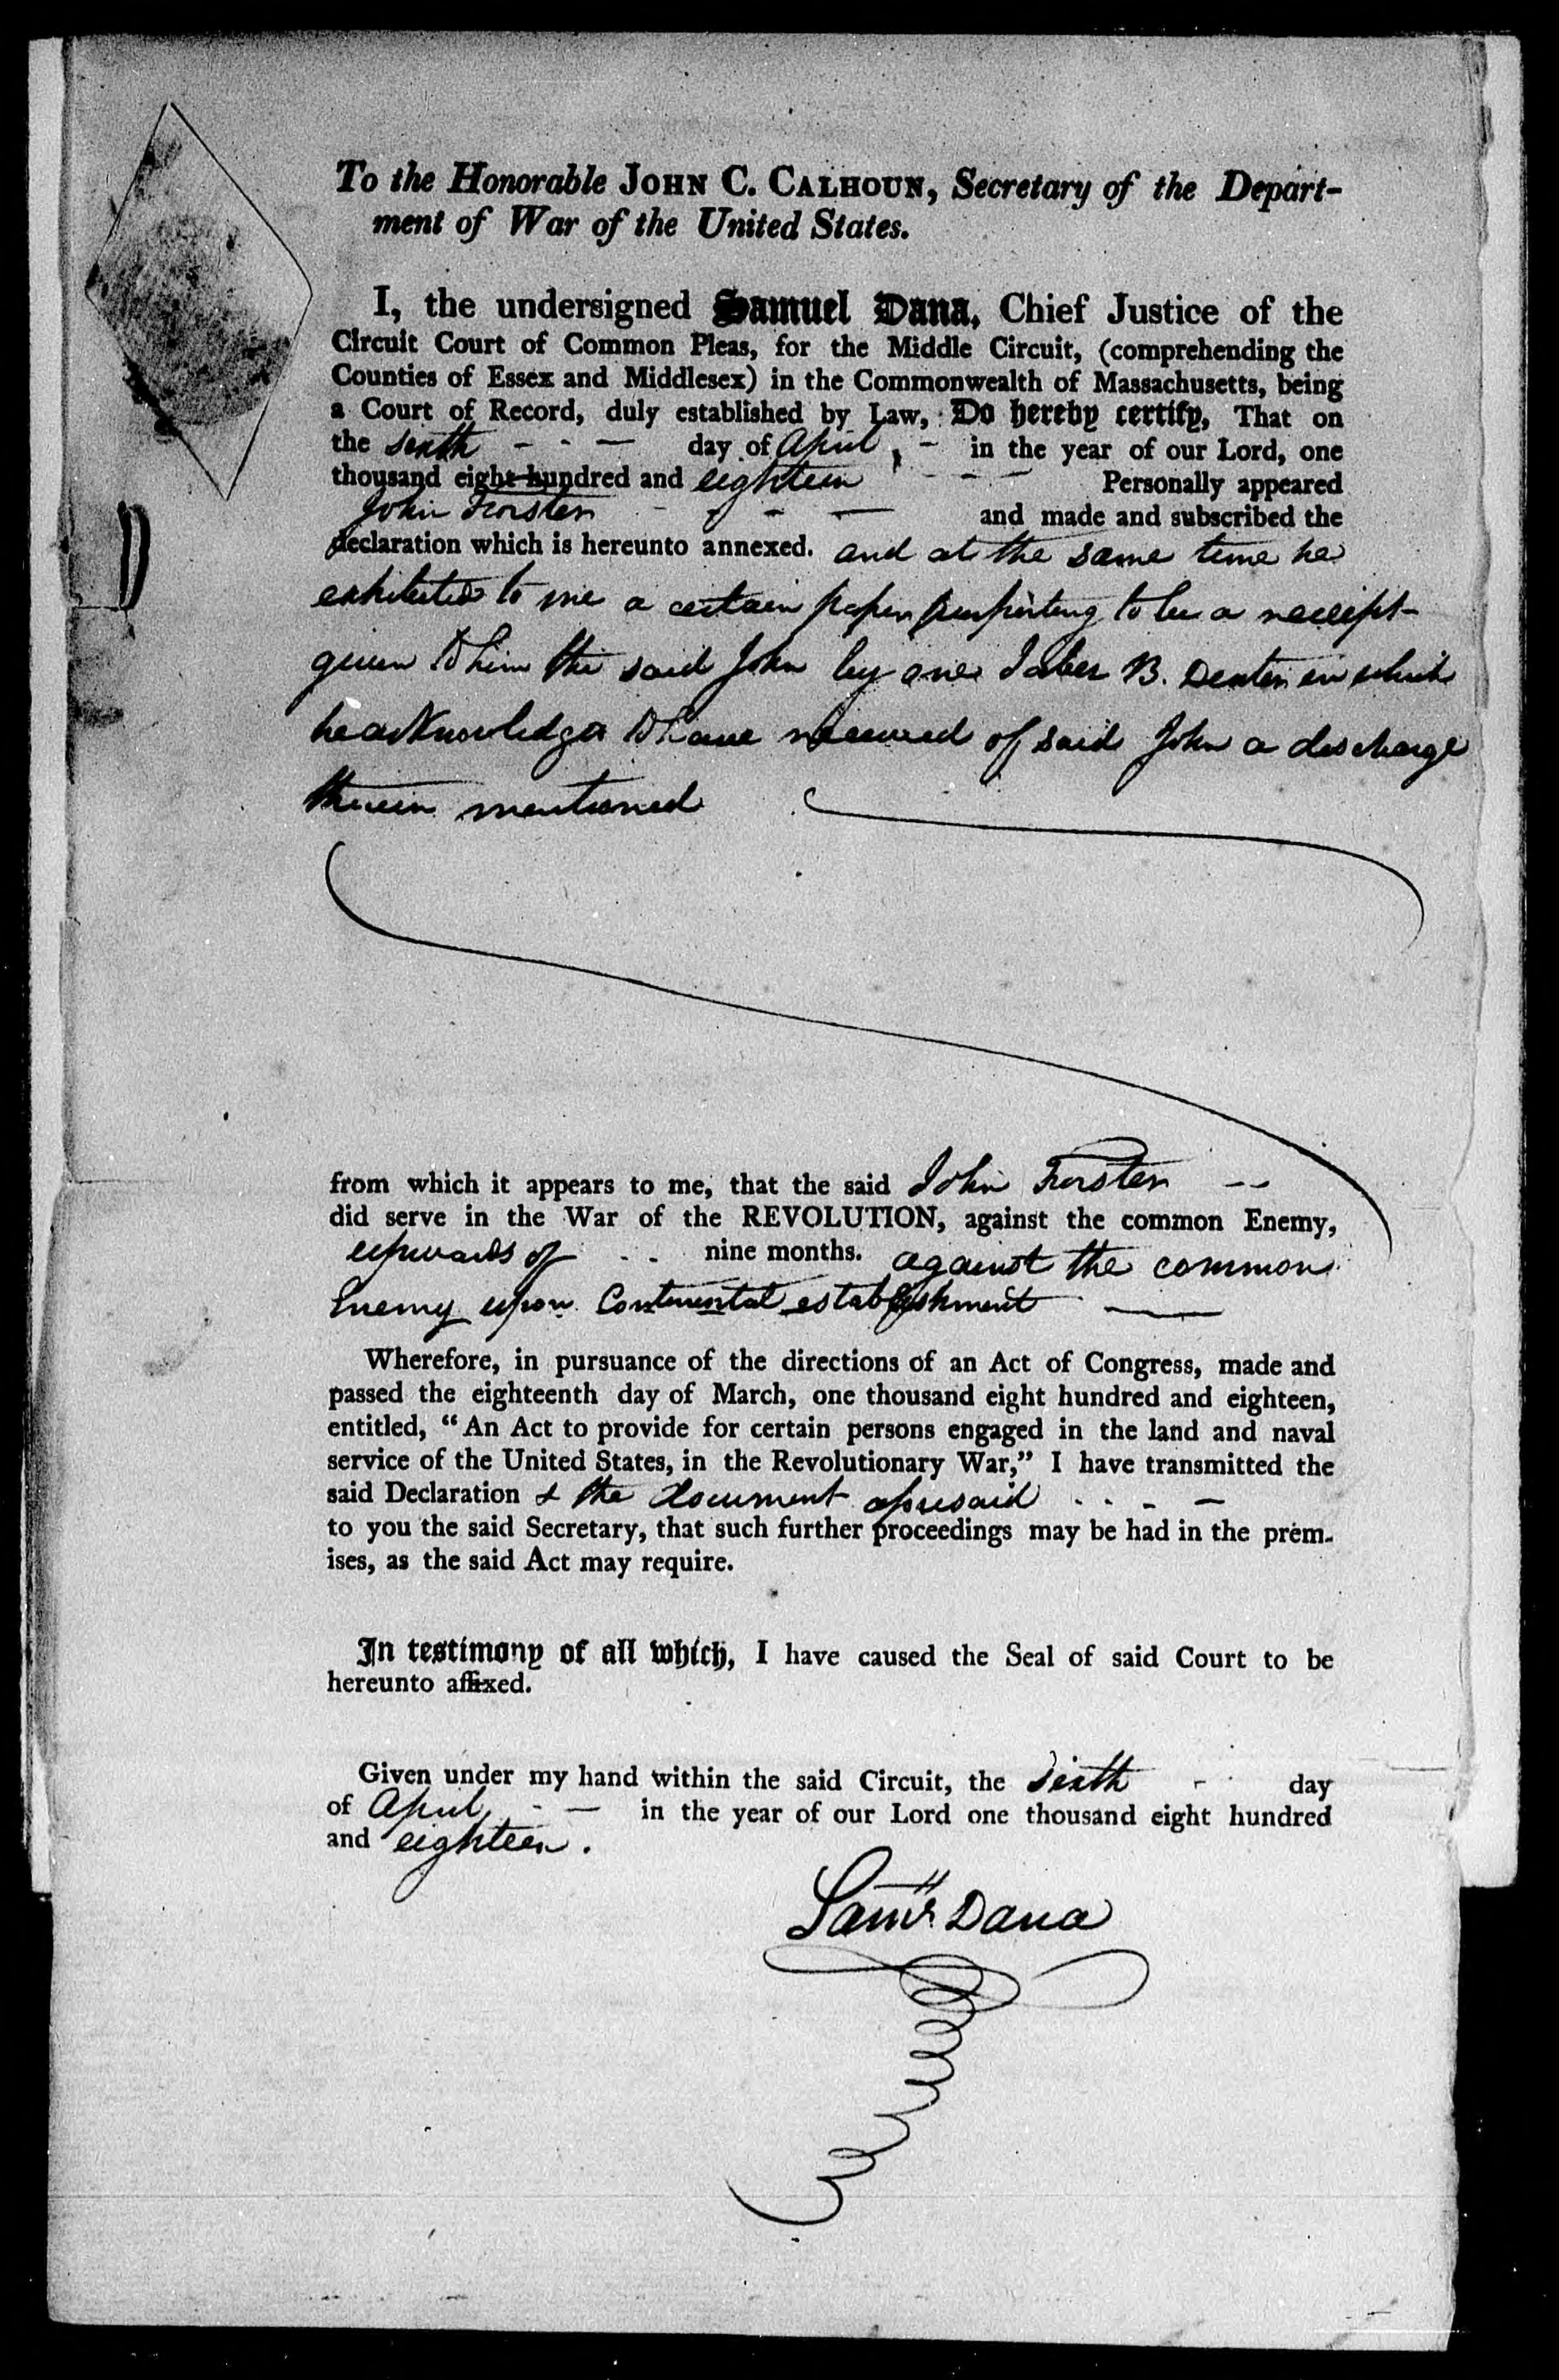To the Honorable John C. Calhoun, Secretary of the Department of War of the United States.
I, the undersigned Samuel Dana, Chief Justice of the circuit court of common pleas for the Middle Circuit (comprehending the counties of Essex and Middlesex) in the Commonwealth of Massachusetts being a court of record duly established by law do hereby certify that on the 6 April 1818 personally appeared John Foster and made and subscribed the declaration which is hereunto annexed and at the same time he exhibited to me a certain paper supporting to be a receipt given to him the said John by one Jabez B. Denten in which he acknowledged  to have received of said John a discharge herein mentioned; from which it appears to me, that the said John Foster did serve in the war of the revolution against the common enemy upwards of 9 months against the common enemy upon continental establishment. 
Wherefore, in pursuance of the directions of an Act of Congress, made and passed the 18 March 1818 entitled, "An Act to provide for certain persons engaged in the land and naval service of the United States in the Revolutionary War," I have transmitted the said declaration and the document aforesaid to you the said secretary that such further proceedings may be had in the premises as the said Act may require.
In testimony of all which I have cause dthe seal of said court to be hereunto affixed. 
Given under my hand within the said circuit the 6 Apr 1818. 
Samuel Dana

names: John, Jabez B Dexter, John Foster, John C Calhoun, John, John Foster, Samel Dana, Samuel Dana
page: 31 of 47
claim: widow's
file: W. 7,302, John Foster, Continental Mass. R.I.